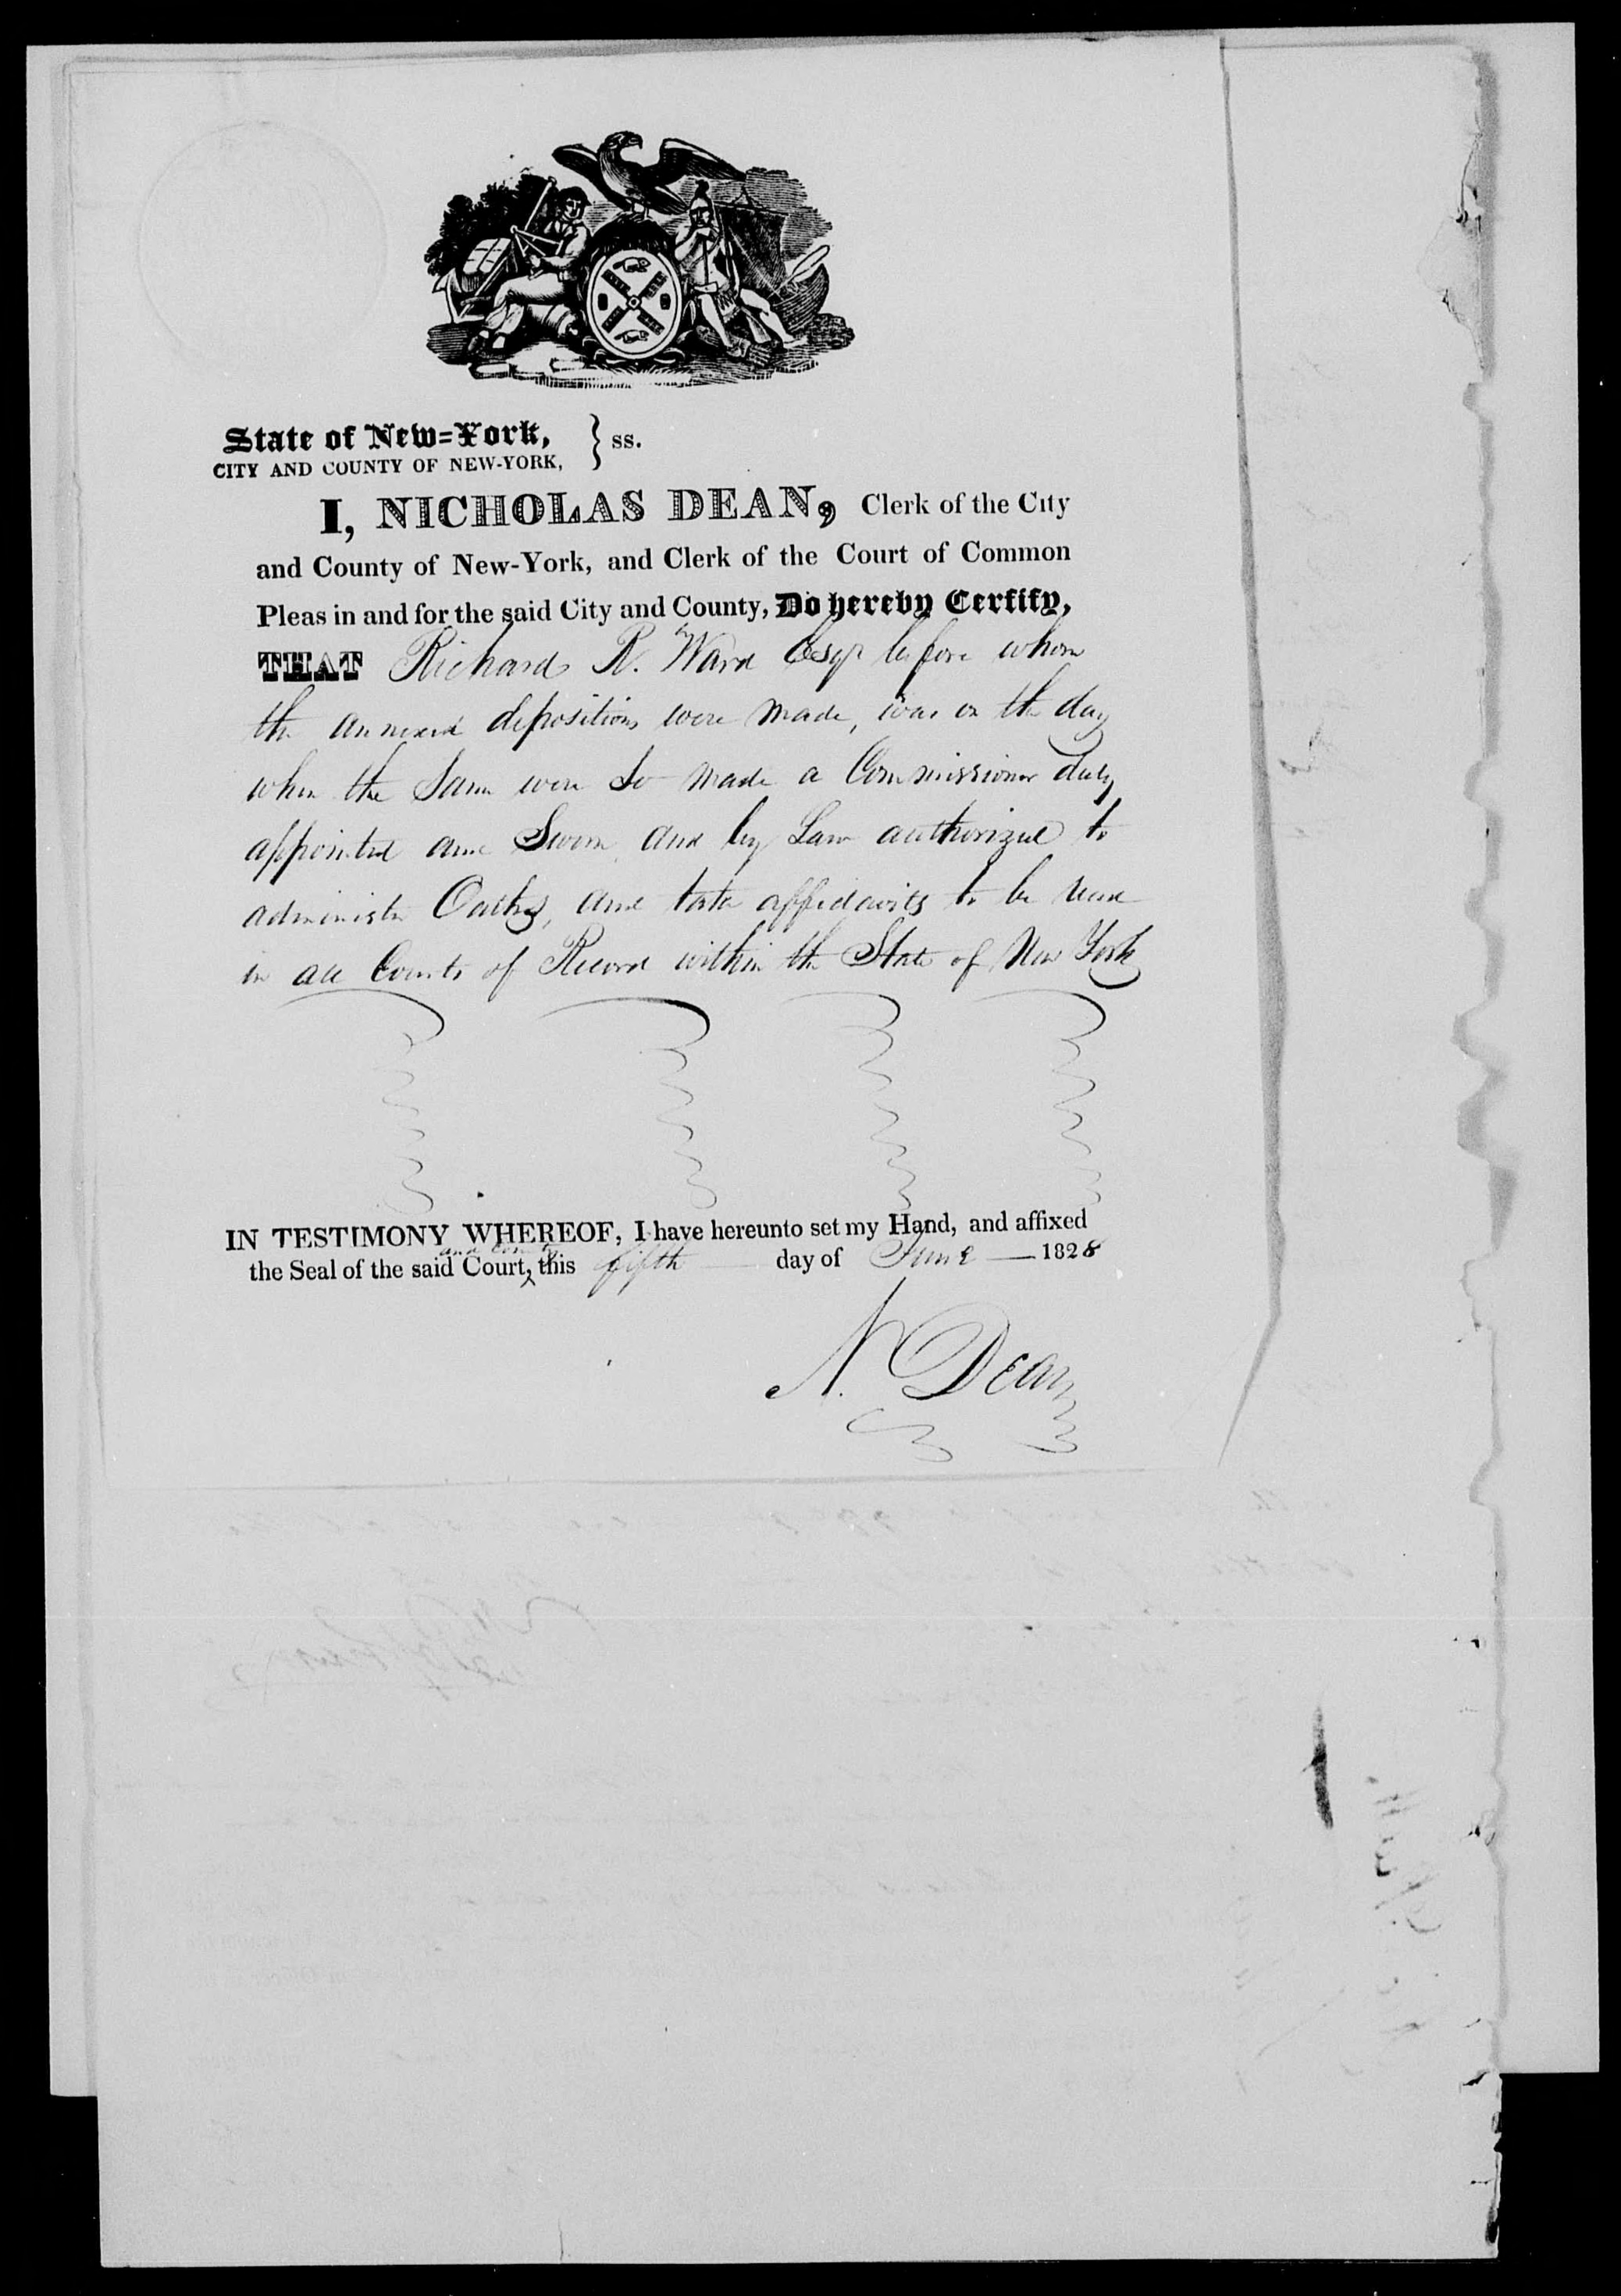State of New York,}
CITY AND COUNTY OF NEW-YORK,} ss.
I, NICHOLAS DEAN, Clerk of the City
and County of New-York, and Clerk of the Court of Common
Pleas in and for the said City and County, do hereby Certify,
Richard R. Ward Esqr before whom
the annexed depositions were made, was on the day
when the same were so made a Commissioner duly
appointed and Sworn and by law authorized to
administer Oaths, and take affidavits to be used
in all courts of Record within the State of New York
S
IN TESTIMONY WHEREOF, I have hereunto set my Hand, and affixed the Seal of the said Court ^and County, this fifth day of June 1828
N.Dean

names: Nicholas Dean; Richard R Ward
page: 74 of 75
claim: survivor's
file: S. 9989, for William Popham, Delaware